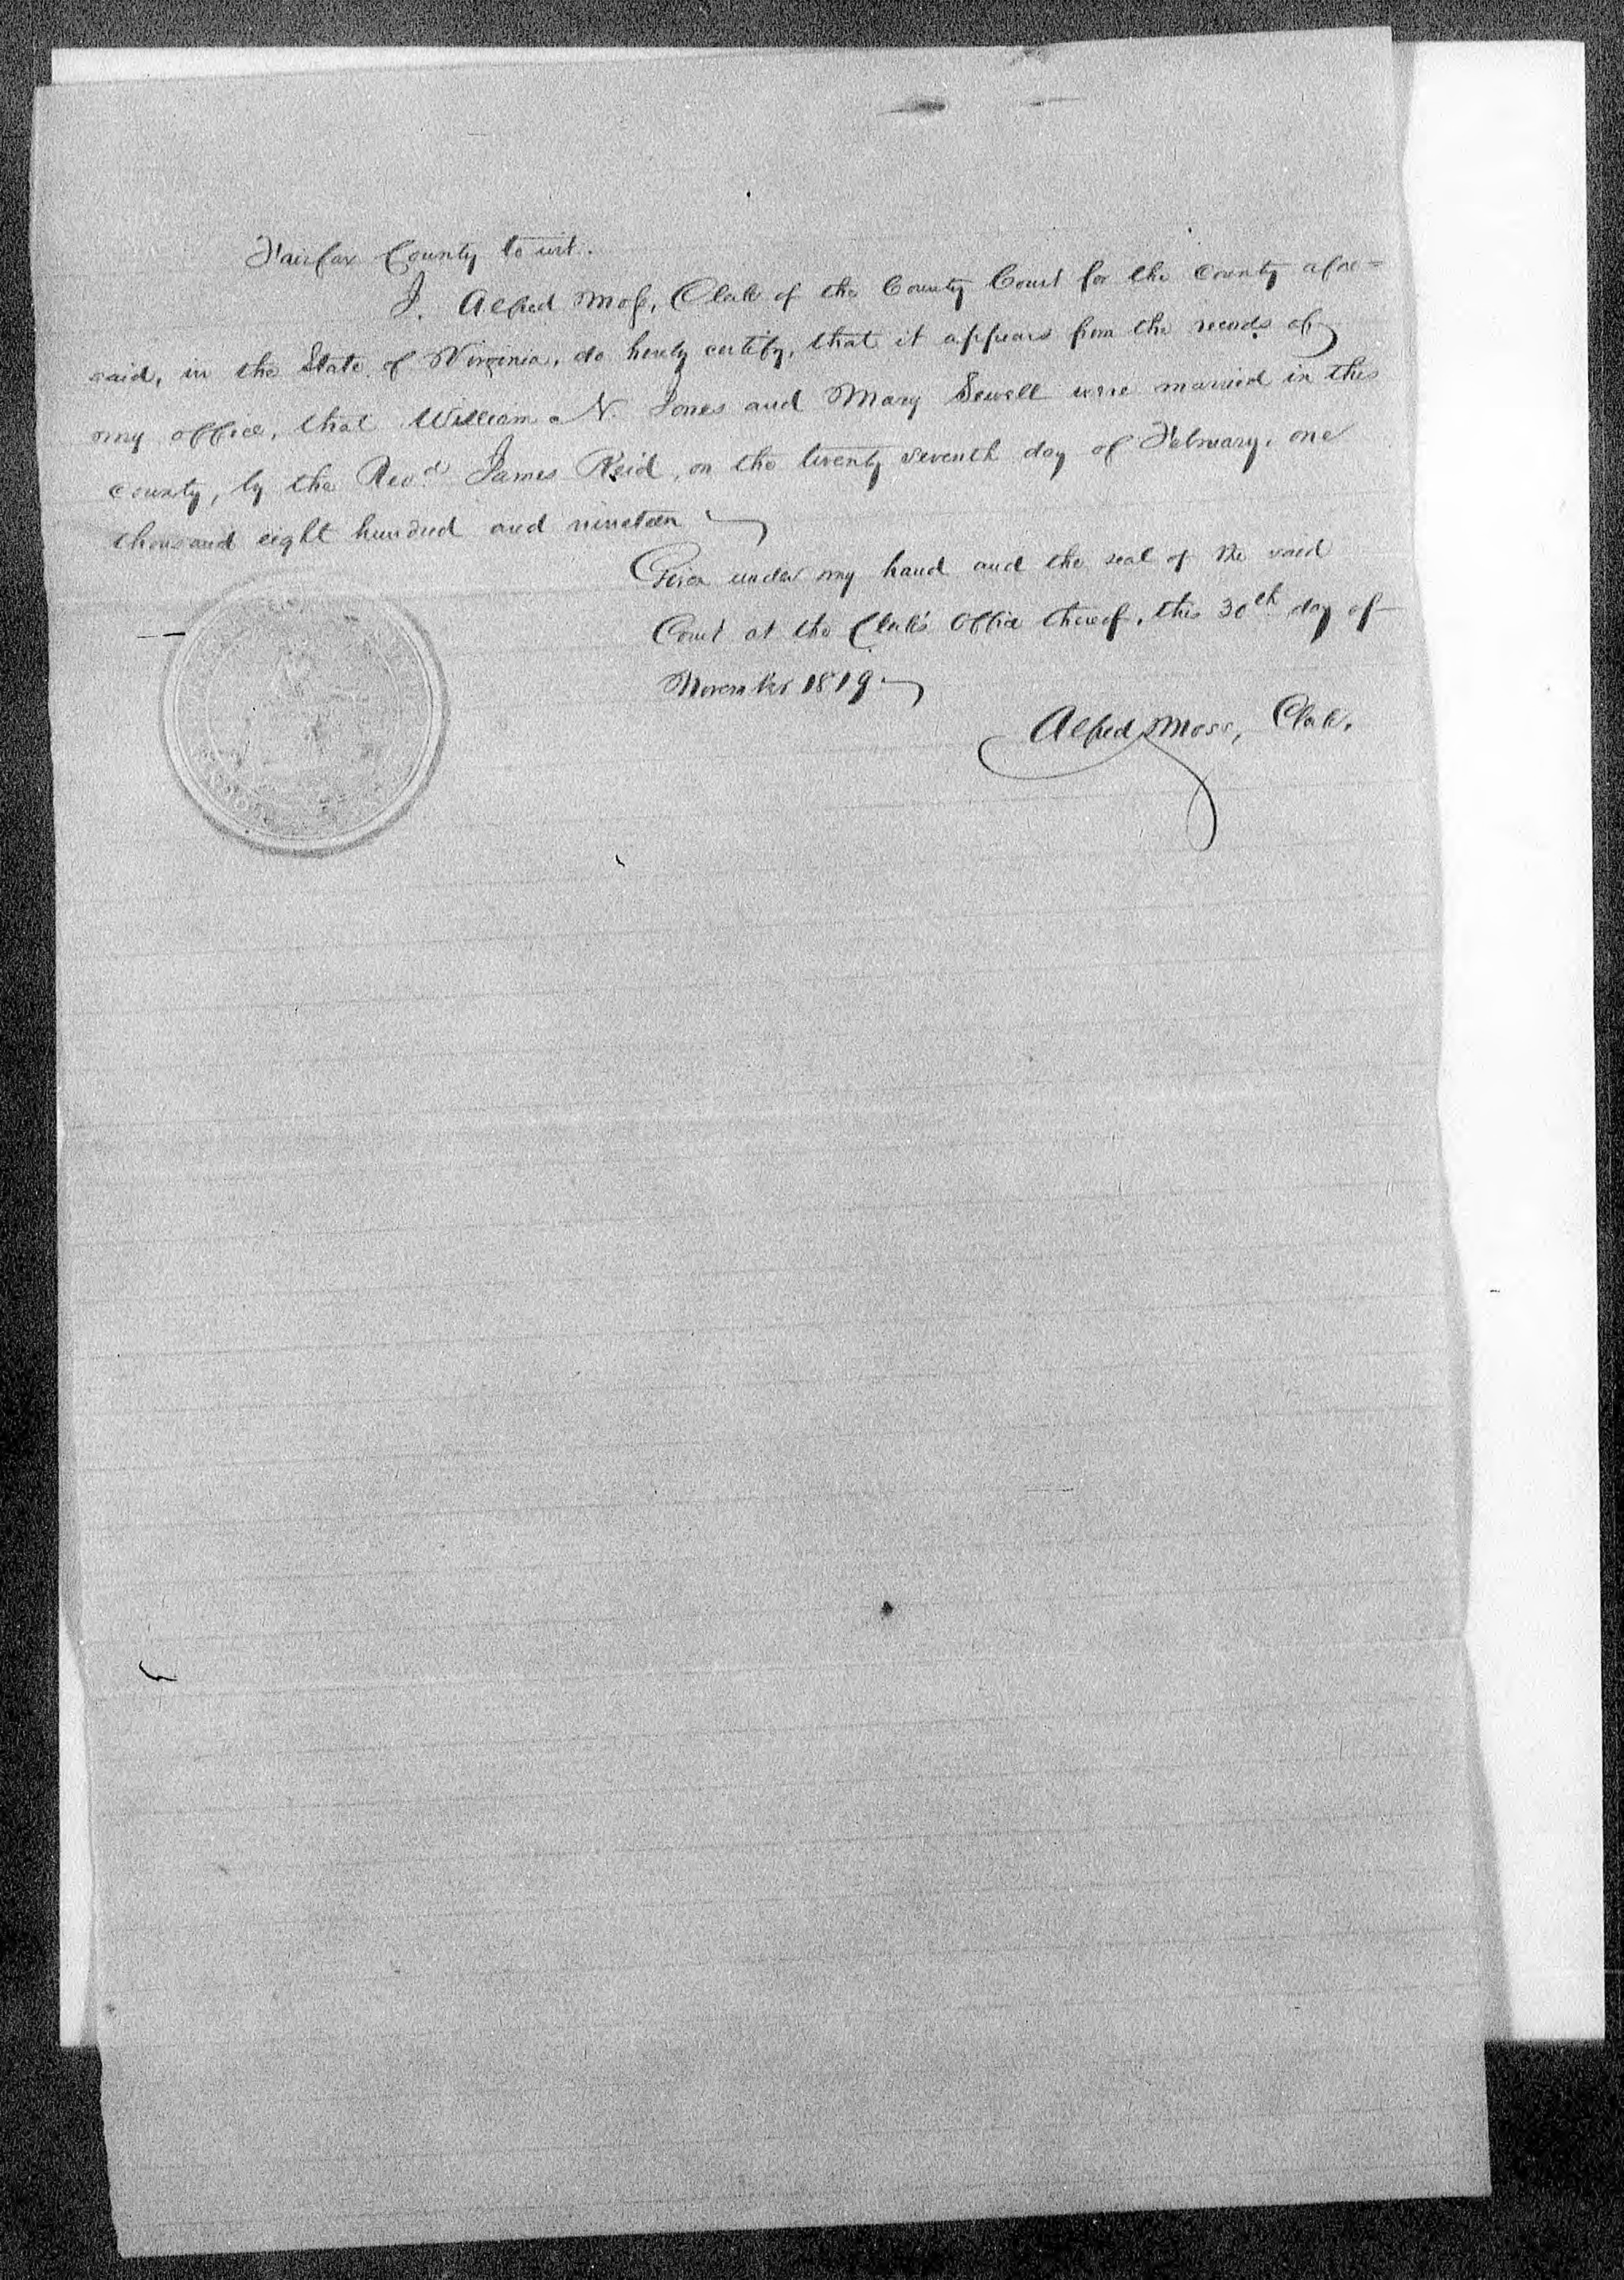Fairfax County to wit.
I, Alfred Moss, Clerk of the County Court for the county aforesaid, in the State of Virginia, do hereby certify that it appears from the records of my office, that William N. Jones and Mary Sewell were married in the county, by the Rev'd. James Reid, on the twenty seventh day of February, one thousand eight hundred and nineteen
Given under my hand and the seal of the said Court at the Clerk's office thereof, this 30th day of November 1819
Alfred Moss, Clerk

[embossed seal of Fairfax County]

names: Alfred Moss; James Reid; Mary Sewell; William N Jones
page: 9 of 39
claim: widow's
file: W 6292, for William Jones, Maryland